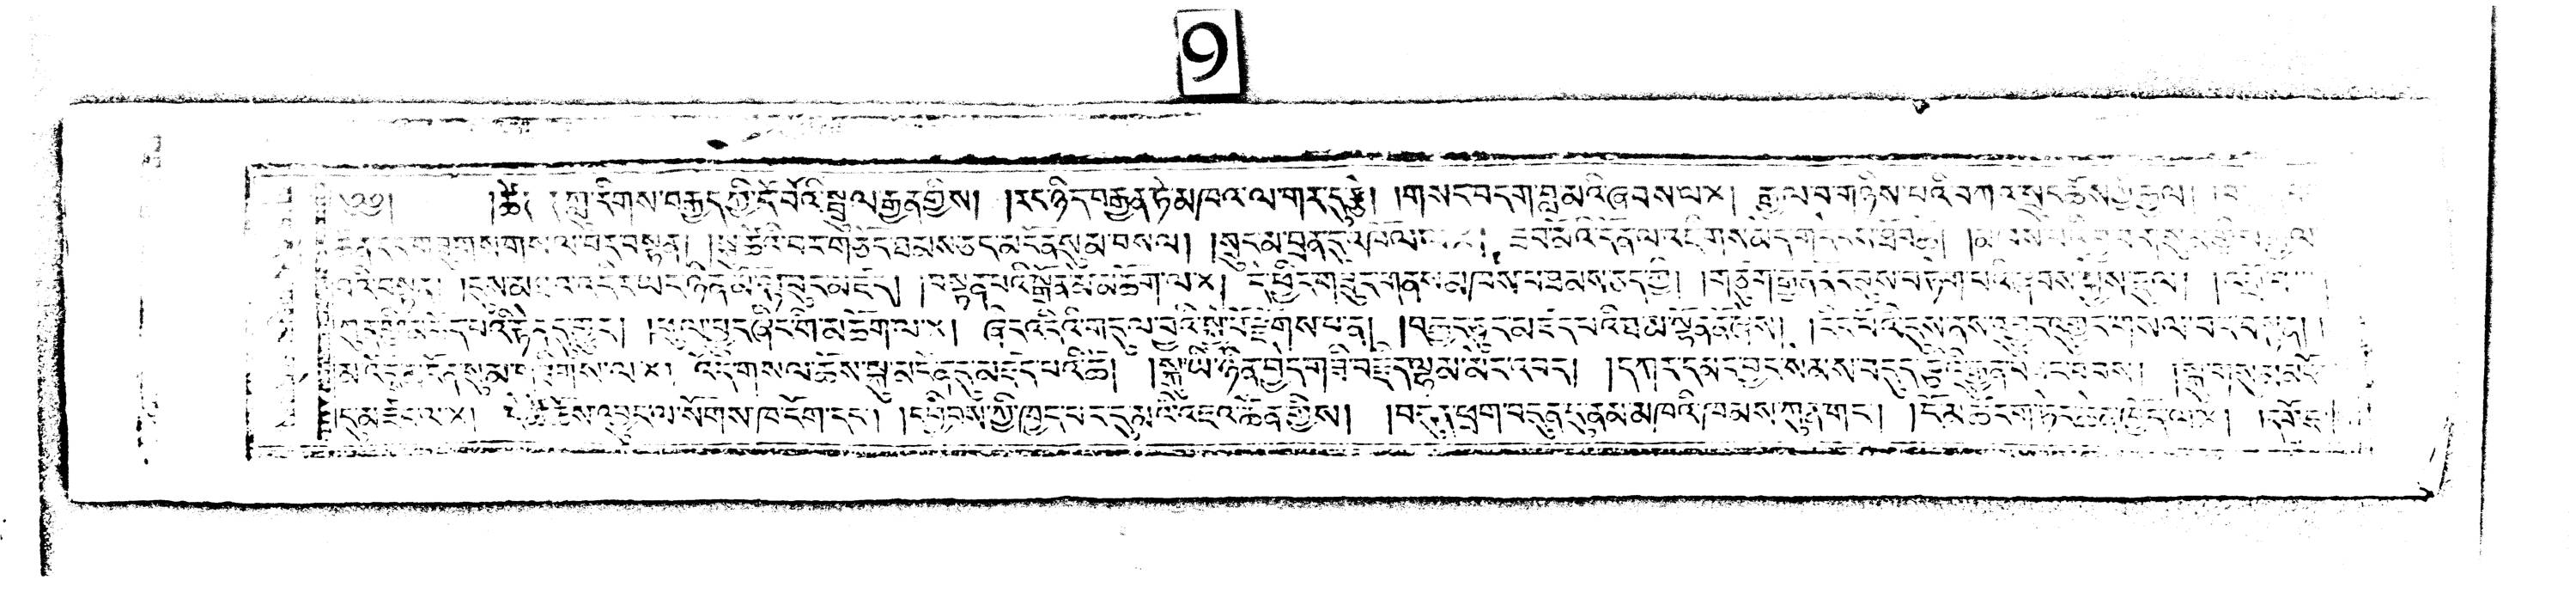༄༅། །ཚེ། །ཀླུ་རིགས་བརྒྱད་ཀྱི་ངོ་བོའི་སྦྲུལ་རྒྱན་གྱིས། །རང་ཉིད་བརྒྱན་ཏེ་མཁའ་ལ་གར་དུ་རྩེ། །གསང་བདག་བླ་མའི་ཞབས་ལ་྾། རྒྱལ་བ་གཉིས་པའི་བཀའ་སྲུང་ཆོས་ཀྱི་རྒྱལ། །བསྙེན་པའི་
ཚེ་ན་རང་གཟུགས་གསལ་བར་བསྟན། །སྐུ་ཚེའི་བར་གཅོད་ཐམས་ཅད་མངོན་སུམ་བསལ། །སྲུང་མ་བྲན་དུ་འཁོལ་ལ་྾། ཟབ་མོའི་དོན་?་ལ་འཇིགས་མེད་གདེངས་ཐོབ་ཚེ། །མཁས་པའི་བྱ་བ་གསུམ་གྱིས་རྒྱལ་
བའི་བསྟན། །དུས་མཐའ་འདིར་ཡང་ཉིན་མོ་ལྟ་བུར་མཛད། །བསྟན་པའི་སྒྲོན་མ་མཆོག་ལ་྾། དེ་ཕྱིར་གཟུར་གནས་མཁས་པ་ཐམས་ཅད་ཀྱི། །གཙུག་རྒྱན་ནོར་བུས་བཏེག་པའི་ཞབས་སྐྱེས་རྡུལ། །འགྲོ་བ་
ཀུན་གྱི་མཆོད་པའི་རྟེན་དུ་གྱུར། །ཕུལ་བྱུང་ཞིང་གི་མཆོག་ལ་྾། ཞིང་འདིའི་གདུལ་བྱའི་སྐྱེ་བོ་རྫོགས་པ་ན། །བརྒྱད་ཅུར་མཛད་པའི་ཐ་མ་སྟོན་ནོ་ཞེས། །རིང་པོའི་དུས་ནས་འབྱུང་འགྱུར་གསལ་བར་བསྟན། །
མ་འོངས་མངོན་སུམ་གཟིགས་ལ་྾། འོད་གསལ་ཆོས་སྐུ་མངོན་དུ་མཛད་པའི་ཚེ། །སྐུ་ཡི་ཉིན་བྱེད་གཟི་བརྗིད་ལྷམ་མེར་འབར། །དཀར་དམར་བྱང་སེམས་བདུད་རྩིའི་རྒྱུན་བཟང་བབས། །སྐུ་གསུམ་མངོན་
དུ་མཛད་ལ་྾། དེ་ཚེ་ཆོས་འབྱུང་ལ་སོགས་ཁ་དོག་དང་། །དབྱིབས་ཀྱི་ཁྱད་པར་དུ་མའི་འཇའ་ཚོན་གྱིས། །བདུན་ཕྲག་བདུན་དུ་ནམ་མཁའི་ཁམས་ཀུན་གང་། །ངོ་མཚར་གཏེར་ཆེན་ཁྱོད་ལ་྾། །དགོངས་